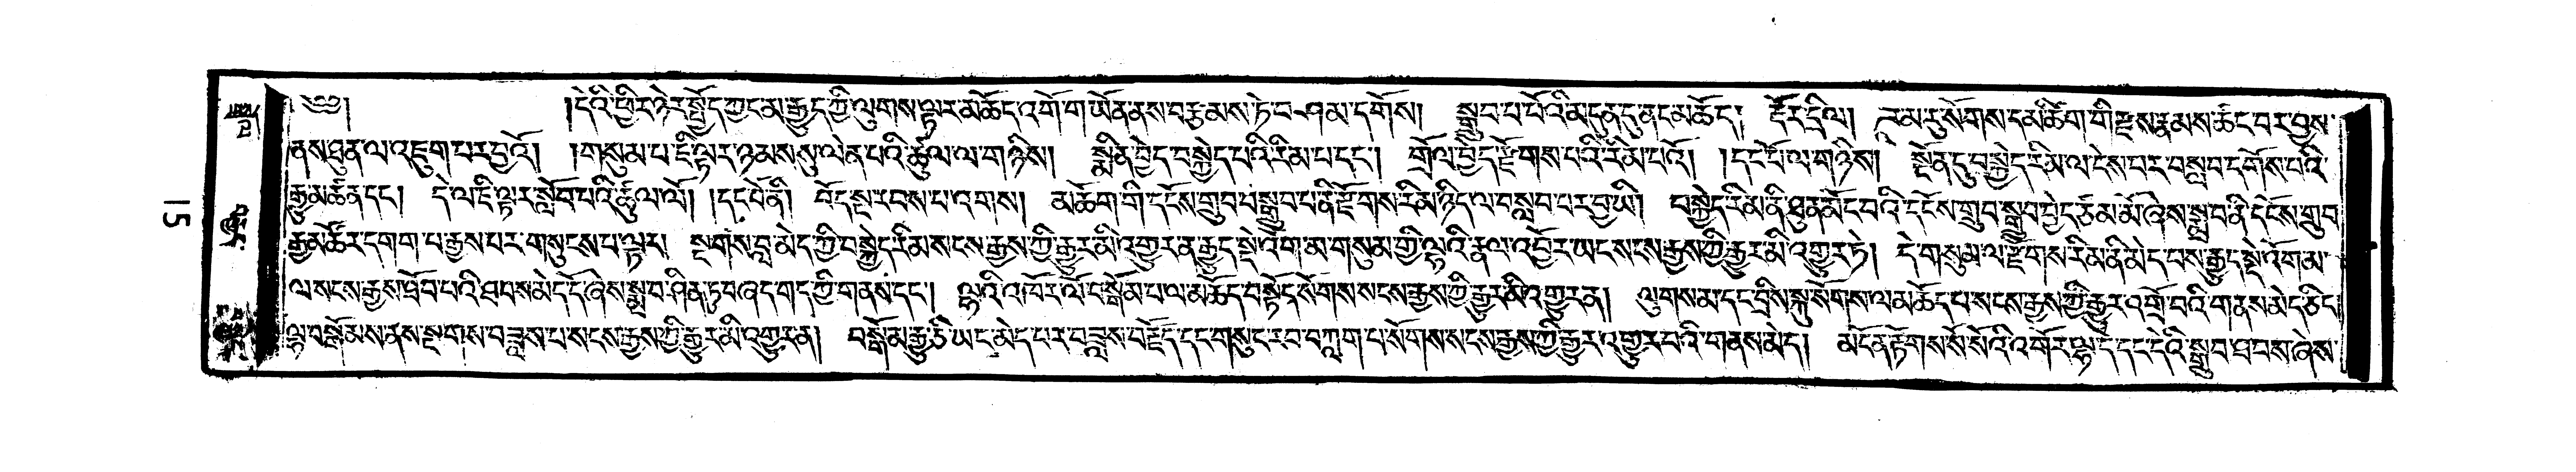༄༅། །དེའི་ཕྱིར་ཉེར་སྤྱོད་ཀྱང་མ་རྒྱུད་ཀྱི་ལུགས་ལྟར་མཆོད་འོག་གཡོན་ནས་བརྩམས་ཏེ་བཤམ་དགོས། སྒྲུབ་པ་པོའི་མདུན་དུ་ནང་མཆོད། རྡོར་དྲིལ། ཌཱ་མ་རུ་སོགས་དམ་ཚིག་གི་རྫས་རྣམས་ཚང་བར་བྱས་
ནས་ཐུན་ལ་འཇུག་པར་བྱའོ། །གསུམ་པ་ཇི་ལྟར་ཉམས་སུ་ལེན་པའི་ཚུལ་ལ་གཉིས། སྨིན་བྱེད་བསྐྱེད་པའི་རིམ་པ་དང་། གྲོལ་བྱེད་རྫོགས་པའི་རིམ་པའོ། །དང་པོ་ལ་གཉིས། སྔོན་དུ་བསྐྱེད་རིམ་ལ་ངེས་པར་བསླབ་དགོས་པའི་
རྒྱུ་མཚན་དང་། དེ་ལ་ཇི་ལྟར་སློབ་པའི་ཚུལ་ལོ། །དང་པོ་ནི། བོད་སྤ་རབས་པ་འགས། མཆོག་གི་དངོས་གྲུབ་བསྒྲུབ་བ་ནི་རྫོགས་རིམ་ཉིད་ལ་བསླབ་པར་བྱ་ཡི། བསྐྱེད་རིམ་ནི་ཐུན་མོང་པའི་དངོས་གྲུབ་སྒྲུབ་བྱེད་ཙམ་མོ་ཞེས་སྨྲ་བ་ནི་དངོས་གྲུབ་
རྒྱ་མཚོར་དགག་པ་རྒྱས་པར་གསུངས་པ་ལྟར། སྔགས་བླ་མེད་ཀྱི་བསྐྱེད་རིམ་སངས་རྒྱས་ཀྱི་རྒྱུར་མི་འགྱུར་ན་རྒྱུད་སྡེ་འོག་མ་གསུམ་གྱི་ལྷའི་རྣལ་འབྱོར་ཡང་སངས་རྒྱས་ཀྱི་རྒྱུར་མི་འགྱུར་ཏེ། དེ་གསུམ་ལ་རྫོགས་རིམ་ནི་མེད་པས་རྒྱུད་སྡེ་འོག་མ་
ལ་སངས་རྒྱས་ཐོབ་པའི་ཐབས་མེད་དོ་ཞེས་སྨྲ་བ་ཤིན་ཏུ་བཞད་གད་ཀྱི་པ་ནས་དང་། ལྷའི་འཁོར་ལོ་བསྒོམ་པ་ལ་མཆོད་བསྟོད་སོགས་སངས་རྒྱས་ཀྱི་རྒྱུར་མི་འགྱུར་ན། ལུགས་མ་དང་བྲིས་སྐུ་སོགས་ལ་མཆོད་པ་སངས་རྒྱས་ཀྱི་རྒྱུར་འགྲོ་བའི་གནས་མེད་ཅིང་
ལྷ་བསྒོམས་ནས་སྔགས་བཟླས་པ་སངས་རྒྱས་ཀྱི་རྒྱུར་མི་འགྱུར་ན། བསྒྲོམ་རྒྱུ་ཅི་ཡང་མེད་པར་བཟླས་བརྗོད་དང་གསུང་རབ་བཀླག་པ་སོགས་སངས་རྒྱས་ཀྱི་རྒྱུར་འགྱུར་བའི་གནས་མེད། མངོན་རྟོགས་སོ་སོའི་འགོར་ལྷད་དང་དེའི་སྒྲུབ་ཐབས་ཞེས་